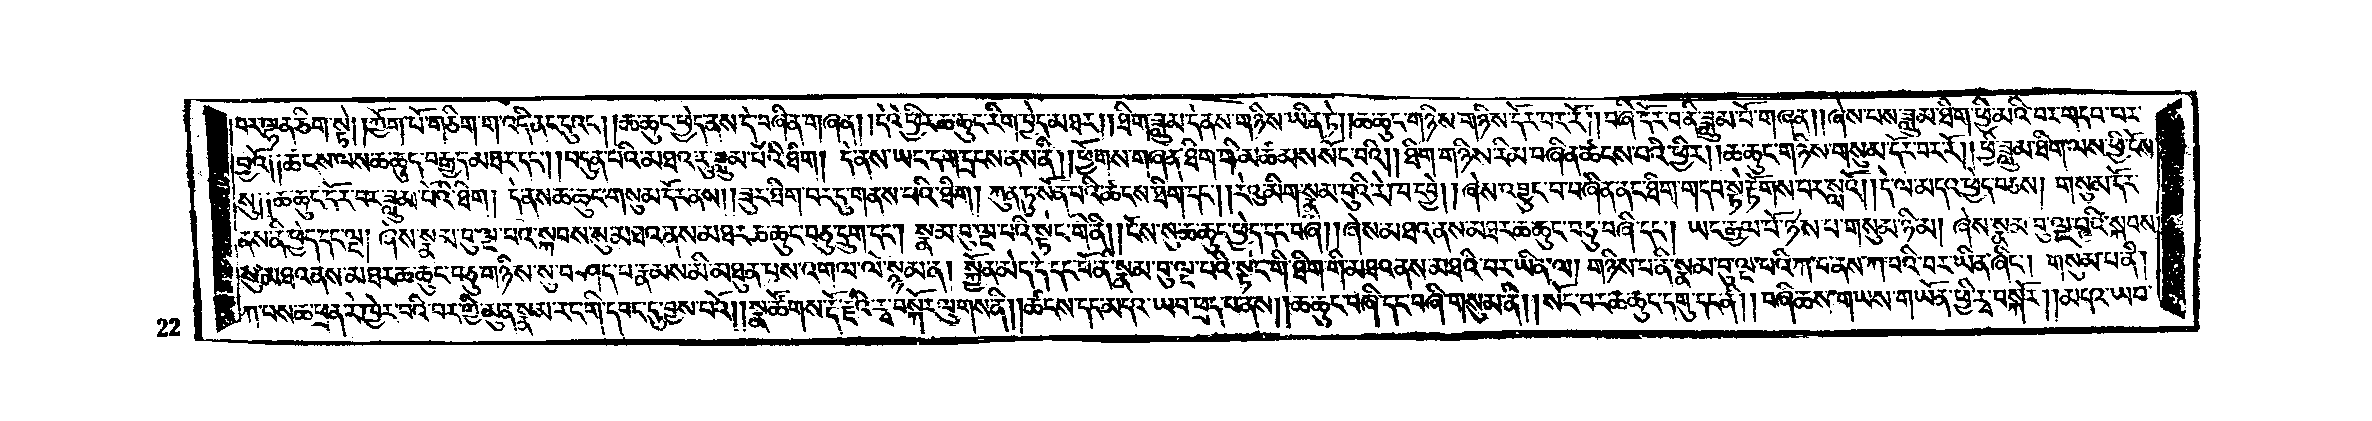བར་ལྷན་ཅིག་སྟེ། །ཀྱོག་པོ་གཅིག་ག་འདི་ནང་དུའང་། །ཆ་ཆུང་ཕྱེད་ནས་དེ་བཞིན་གཞན། །དེའི་ཕྱིར་ཆ་ཆུང་རིག་བྱེད་མཐར། །ཐིག་ཟླུམ་དེ་ནས་གཉིས་ཡིན་ཏེ། །ཆ་ཆུང་གཉིས་གཉིས་དོར་བར་རོ། །བཞི་དོར་བ་ནི་ཟླུམ་པོ་གཞན། །ཞེས་པས་ཟླུམ་ཐིག་ཕྱི་མའི་བར་གདབ་པར་
བྱའོ། །ཚངས་ལས་ཆ་ཆུད་བརྒྱད་མཐར་དང་། །བདུན་པའི་མཐའ་རུ་ཟླུམ་པོའི་ཐིག །དེ་ནས་ཡང་དག་དྲངས་ནས་ནི། །ཕྱོགས་གཞན་ཐིག་གི་མཚམས་སང་བའི། །ཐིག་གཉིས་རིམ་བཞིན་ཚངས་པའི་ཕྱིར། །ཆ་ཆུང་གཉིས་གསུམ་དོར་བར་རོ། །ཕྱི་ཟླུམ་ཐིག་ལས་ཕྱི་ངོས་
སུ༑ ༑ཆ་ཆུང་དོར་བར་ཟླུམ་པོའི་ཐིག །དེ་ནས་ཆ་ཆུང་གསུམ་དོར་ནས། །ཟུར་ཐིག་བར་དུ་གནས་པའི་ཐིག །ཀུན་ཏུ་སོན་པའི་ཚངས་ཐིག་དང་། །རེའུ་མིག་སྣམ་བུའི་རེ་ཁ་དབྱེ། །ཞེས་འབྱུང་བ་བཞིན་ནང་ཐིག་གདབ་སྟེ་རྟོགས་པར་སླའོ། །དེ་ལ་མདའ་ཕྱེད་བཅས། གསུམ་དོར་
ནས་ནི་ཕྱེད་དང་ལྔ། ཞེས་སྣམ་བུ་ལྔ་ཨཱི་སྐབས་སུ་མཐའ་ནས་མཐར་ཆ་ཆུང་བཅུ་དྲུག་དང་། སྣམ་བུ་ལྔ་པའི་སྟེང་གི་ནི། །ངོས་སུ་ཆ་ཆུང་ཕྱེད་དྣག་བཞི། །ཞེས་མཐའ་ནས་མཐའ་ནས་མཐར་ཆ་ཆུང་བཅུ་བཞི་དང་། ཡང་རྒྱལ་པོ་ཉེས་པ་གསུམ་ཉི་མ། ཞེས་སྣམ་བུ་ལྔ་པའི་སྐབས་
སུ་མཐའ་ནས་མཐར་ཆ་ཆུང་བཅུ་གཉིས་སུ་བཤད་པ་རྣམས་མི་མཐུན་པས་འགལ་ལེ་སྙམ་ན། སྐྱོན་མེད་དེ་དང་པོ་ནི་སྣམ་བུ་ལྔ་པའི་སྟེང་གི་ཐིག་གི་མཐའ་ནས་མཐའི་བར་ཡིན་ལ། གཉིས་པ་ནི་སྣམ་བུ་ལྔ་པའི་ཀ་བ་ནས་ཀ་བའི་བར་ཡིན་ཞིང་། གསུམ་པ་ནི།
ཀ་པས་ཆ་ཕྲན་རེ་ཁྱེར་བའི་བར་གྱི་མུན་སྣམ་རང་གི་དབང་དུ་བྱས་པའོ། །སྣ་ཚོགས་རྡོ་རྗེའི་རྭ་བསྐོར་ལུགས་ནི། །ཚངས་དང་མདའ་ཡབ་ཕྲད་པ་ནས། །ཆ་ཆུང་བཞི་དང་བཞི་གསུམ་ནི། །སོང་བར་ཆ་ཆུང་དགུ་དང་ནི། །བཞི་ཆས་གཡས་གཡོན་ཕྱི་རྭ་བསྐོར། །མདའ་ཡབ་